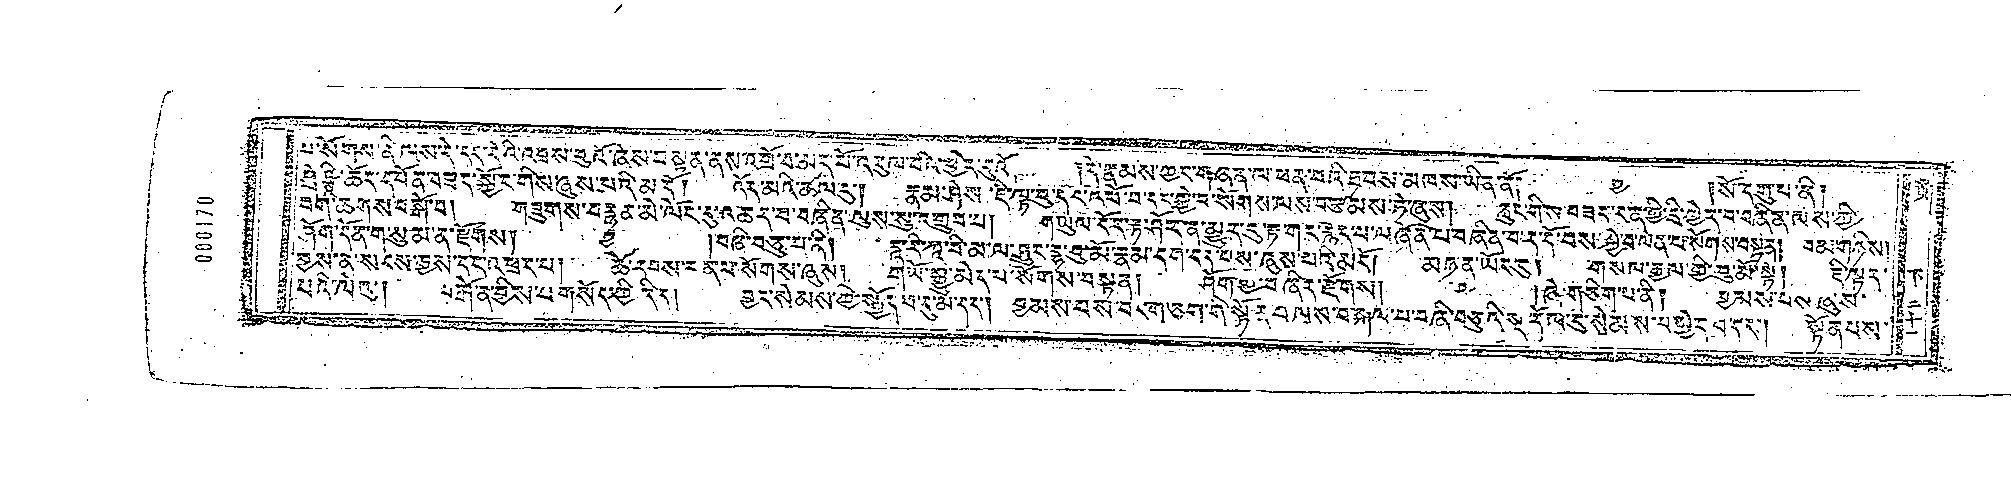པ་སོགས་ནི་ལས་དེ་དད་དེའི་འབྲས་བུའོ་ཞེས་བསྟན་ནས་འགྲོ་བ་མང་པོ་འདུལ་བའི་ཕྱེར་དུའོ། །དེ་རྣམས་ཀྱང་གཞན་ལ་ཕན་པའི་ཐབས་མཁས་ཡིན་ནོ། ༧་།སོ་དགུ་པ་ནི།
ཤྲེཥྚཱི་ཆོང་དཔོན་བཟད་སྐྱོང་གིས་ཞུས་པའི་མདོ། འོད་མའི་ཚལ་དུ། རྣམ་ཤེས་ཇི་ལྟ་བུ་དང་འཕོ་བ་དང་སྐྱེ་བ་སོགས་ལས་བརྩམས་ཏེ་ཞུས། རླུང་གིས་བཟང་ངན་གྱི་དྲི་ཁྱེར་བ་བཞིན་ལས་ཀྱི་
བག་ཆགས་བསྒོ་བ། གཟུགས་བརྙན་མེ་ལོང་དུ་འཆར་བ་བཞིན་ལུས་སུ་འགྲུབ་པ། གཡུལ་ངོར་རྟ་ཤོར་ན་མྱུར་དུ་རྟ་གང་རྙེད་པ་ལ་ཞོན་པ་བཞིན་བ་ར་དོ་བས་སྐྱེ་བ་ལེན་པ་སོགས་བསྟན། བམ་གཉིས།
རོག་དོན་གསུམ་ན་རྫོགས། ༧་།བཞི་བཅུ་པ་ནི། དཱ་རི་ཀླ་བི་མ་ལ་ཤུང་དྷ་བུ་མོ་རྣམ་དག་ངད་པས་ཞུས་པའི་མདོ། མཉན་ཡོད་དུ། གསལ་རྒྱལ་གྱི་བུ་མོ་སྟེ། ཇི་ལྟར་
བྱས་ན་སངས་རྒྱས་དང་འཕྲང་པ། ཚེ་རབས་ངན་པ་སོགས་ཞུས། གཡོ་སྒྱུ་མེད་པ་སོགས་བསྟན། ཤོག་གྱ་བཞིར་རྫོགས། ༧་།ཞེ་གཅིག་པ་ནི། བྱམས་པས་ཞུས་
པའི་ལེའུ། བརྒོ་ན་བྱིས་པ་གསོད་ཀྱི་རིད། བྱང་སེམས་ཀྱི་སྤྱོད་པ་དུ་མ་དང་། བྱམས་པས་བདག་ཅག་གི་སྟོན་པ་ལས་བསྐལ་པ་བཞི་བཅུའི་སྔ་རོལ་དུ་སེམས་བསྐྱེད་བ་དང་། སྟོན་པས་